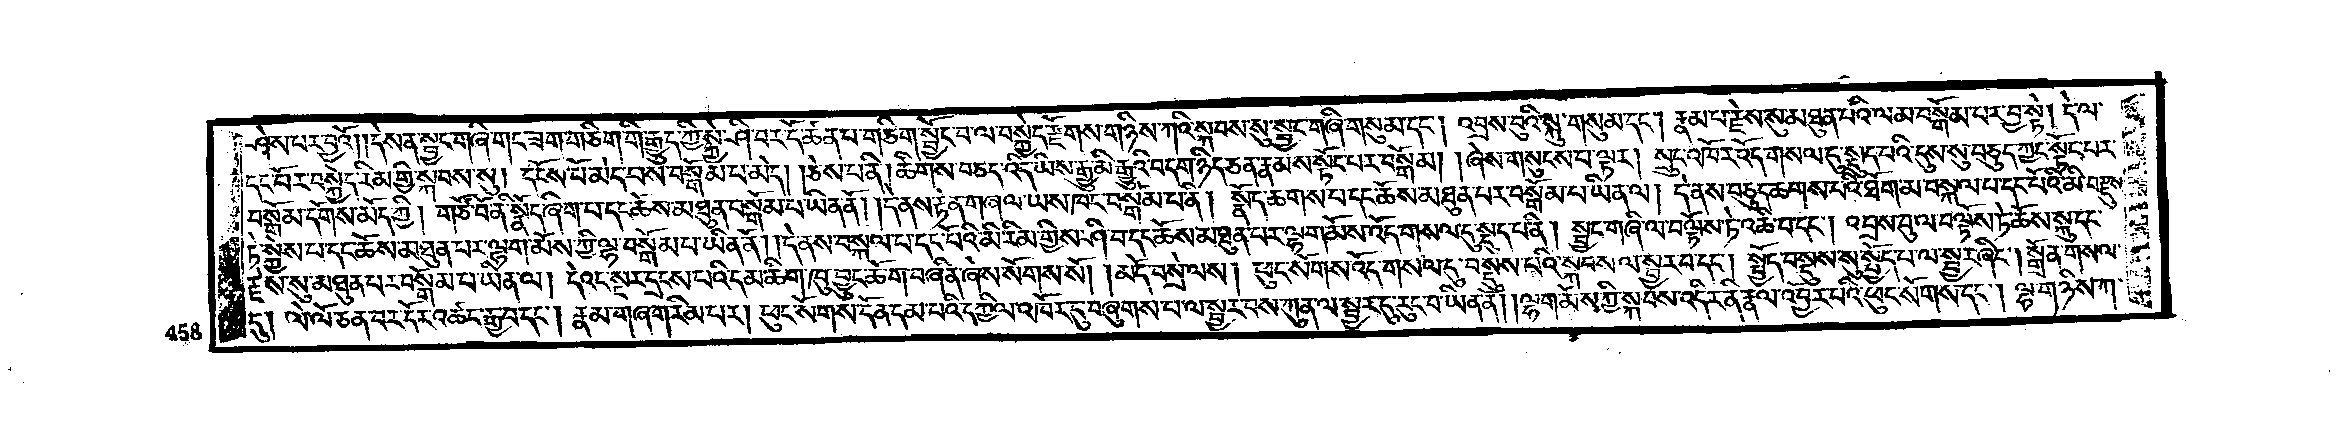ཤེས་པར་བྱའོ། །དེས་ན་སྦྱང་གཞི་གང་ཟག་གཅིག་གི་རྒྱུད་ཀྱི་སྐྱེ་ཤི་བར་དོ་ཚན་པ་གཅིག་སྦྱོང་བ་ལ་བསྐྱེད་རྫོགས་གཉིས་ཀའི་སྐབས་སུ་སྦྱང་གཞི་གསུམ་དང་། འབྲས་བུའི་སྐུ་གསུམ་དང་། རྣམ་པ་རྗེས་སུ་མཐུན་པའི་ལམ་བསྒོམ་པར་བྱ་སྟེ། དེ་ལ་
དང་པོར་བསྐྱེད་རིམ་གྱི་སྐབས་སུ། དངོས་པོ་མེད་པས་བསྒོམ་པ་མེད། །ཅེས་པ་ནི། ཚིགས་བཅད་འདི་ཡིས་རྒྱུ་མི་རྒྱུའི་བདག་ཉིད་ཅན་རྣམས་སྟོང་པར་བསྒོམ། །ཞེས་གསུངས་པ་ལྟར། སྲུང་འཁོར་འོད་གསལ་དུ་སྡུད་པའི་དུས་སུ་བཅུད་ཀྱང་སྟོང་པར་
བསྒོམ་དགོས་མོད་ཀྱི། གཙོ་བོ་ནི་སྣོད་ཞིག་པ་དང་ཆོས་མཐུན་བསྒོམ་པ་ཡིན་ནོ། །དེ་ནས་རྟེན་གཞལ་ཡས་ཁང་བསྒོམ་པ་ནི། སྣོད་ཆགས་པ་དང་ཆོས་མཐུན་པར་བསྒོམ་པ་ཡིན་ལ། དེ་ནས་བཅུད་ཆགས་པའི་ཐོག་མ་བསྐལ་པ་དང་པོའི་མི་བརྫུས་
ཏེ་སྐྱེས་པ་དང་ཆོས་མཐུན་པར་ལྷག་མོས་ཀྱི་ལྷ་བསྒོམ་པ་ཡིན་ནོ། །དེ་ནས་བསྐལ་པ་དང་པོའི་མི་རིམ་གྱིས་ཤི་བ་དང་ཆོས་མཐུན་པར་ལྷག་མོས་འོད་གསལ་དུ་སྡུད་པ་ནི། སྦྱང་གཞི་ལ་བལྟོས་ཏེ་འཆི་བ་དང་། འབྲས་བུ་ལ་བལྟོས་ཏེ་ཆོས་སྐུ་དང་
རྗེས་སུ་མཐུན་པར་བསྒོམ་པ་ཡིན་ལ། དེའང་སྔར་དྲངས་པའི་དམ་ཚིག་ཁུ་བྱུང་ཆོ་ག་བཞིན་ཞེས་སོགས་སོ། །མདོ་བསྲེ་ལས། ཕུང་སོགས་འོད་གསལ་དུ་བསྡུས་པའི་སྐབས་ལ་སྦྱར་བ་དང་། སྤྱོད་བསྡུས་སུ་སྤྱོད་པ་ལ་སྦྱར་ཞིང་། སྒྲོན་གསལ་
དུ། ལེ་ལོ་ཅན་བར་དོར་འཚང་རྒྱ་བ་དང་། རྣམ་གཞག་རིམ་པར། ཕུང་སོགས་དོན་དམ་པའི་དཀྱིལ་འཁོར་དུ་བཞུགས་པ་ལ་སྦྱར་བས་ཀུན་ལ་སྦྱར་དུ་རུང་བ་ཡིན་ནོ། །ལྷག་མོས་ཀྱི་སྐབས་འདིར་ནི་རྣལ་འབྱོར་པའི་ཕུང་སོགས་དང་། ལྷ་གཉིས་ཀ་